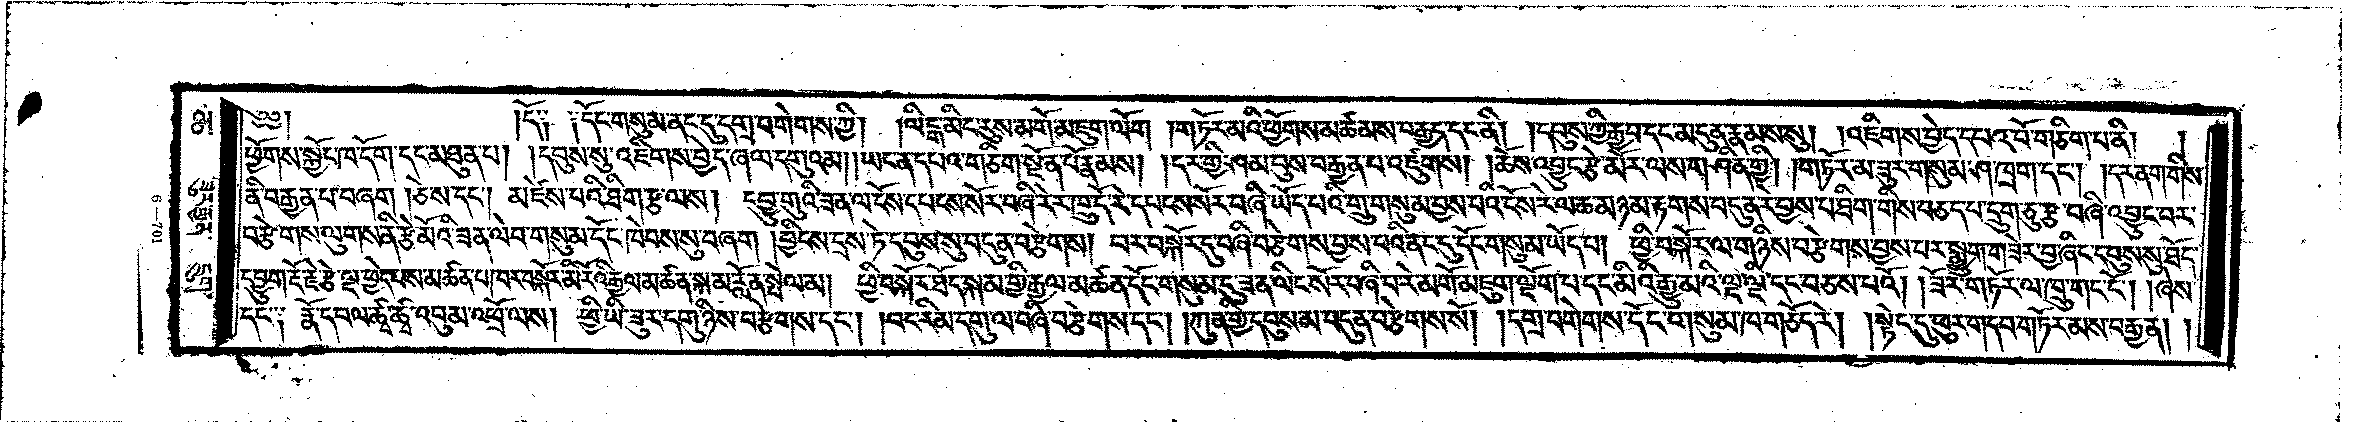༄༅། །དོ༑ ༑དོང་གསུམ་ནང་དུ་དགྲ་བགེགས་ཀྱི། །ལིངྒ་མིང་དུས་མགོ་མཇུག་ལོག །གཏོར་མའི་ཕྱོགས་མཚམས་བརྒྱད་དང་ནི། །དབུས་ཀྱི་རྒྱབ་དང་མདུན་རྣམས་སུ། །འཇིགས་བྱེད་དཔའ་བོ་གཅིག་པ་ནི། །
ཕྱོགས་སྐྱོང་ཁ་དོག་དང་མཐུན་པ། །དབུས་སུ་འཇིགས་བྱེད་ཞལ་དགུའམ། །ཡང་ན་དཔའ་གཅིག་སྔོན་པོ་རྣམས། །དར་གྱི་ཤམ་བུས་བརྒྱན་པ་འཛུགས། །ཆོས་འབྱུང་རྩེ་མོར་ལས་གཤིན་གྱི། །གཏོར་མ་ཟུར་གསུམ་ཤ་ཁྲག་དང་། །དར་ནག་གིས་
ནི་བརྒྱན་པ་བཞག །ཅེས་དང་། མཛེས་པའི་ཐིག་རྩ་ལས། དབྱུ་གུའི་ཟན་ལ་ངོས་དཔངས་སོར་བཞི་རེར་ཁྲུ་དོ་རེ་དཔངས་སོར་བཞི་ཡོད་པའི་གྲུ་གསུམ་བྱས་པའི་ངོས་རེར་ལ་ཆ་མཉམ་རྟགས་བདུན་རེ་བྱས་པ་ཐིག་གིས་བཅད་པ་དྲུག་ཅུ་རྩ་བཞི་འབྱུང་བར་
བརྩེ་གསུམ་ལུགས་ནི་རྩེ་མོའི་ཟན་ལེབ་གསུམ་དོང་ཁེབས་སུ་བཞག །བྱིངས་དྲས་ཏེ་དབུས་སུ་བདུན་བརྩེགས། བར་བསྐོར་དུ་བཞི་བརྩེགས་བྱས་པའི་ནང་དུ་དོང་གསུམ་ཡོད་པ། ཕྱི་བསྐོར་ལ་གཉིས་བརྩེགས་བྱས་པར་སྨྱུག་གཟེར་བྱ་ཞིང་དབུས་སུ་ཐོད་
དབྱུག་རྡོ་རྗེ་རྩེ་ལྔ་ཕྱེད་པས་མཚན་པ་ཁར་བསྐོར་མི་རོའི་རྒྱལ་མཚན་སྐམ་རློན་སྤེལ་མ། ཕྱི་བསྐོར་ཐོད་སྐམ་གྱི་རྒྱལ་མཚན་དོང་གསུམ་དུ་ཟན་ལིང་སོར་བཞི་པ་རེ་མགོ་མཇུག་ལྡོག་པ་དང་མིའི་རྒྱུ་མའི་ལྔ་ལྡི་དང་བཅས་པའོ། །ཟོར་གཏོར་ལ་ཁྲུ་གང་ངོ། །ཞེས་
དང༑ རྣོ་དཔལ་ཚྭ་ཚྭ་འབུམ་འཕྲོ་ལས། ཕྱི་ཡི་ཟུར་དགུ་གཉིས་བརྩེགས་དང་། །བང་རིམ་དགུ་ལ་བཞི་བརྩེགས་དང་། །ཀུན་གྱི་དབུས་མ་བདུན་བརྩེགས་སོ། །དགྲ་བགེགས་དོང་གསུམ་ཁ་གཅོད་རེ། །སྟེང་དུ་ཕུར་གདབ་གཏོར་མས་བརྒྱན། །